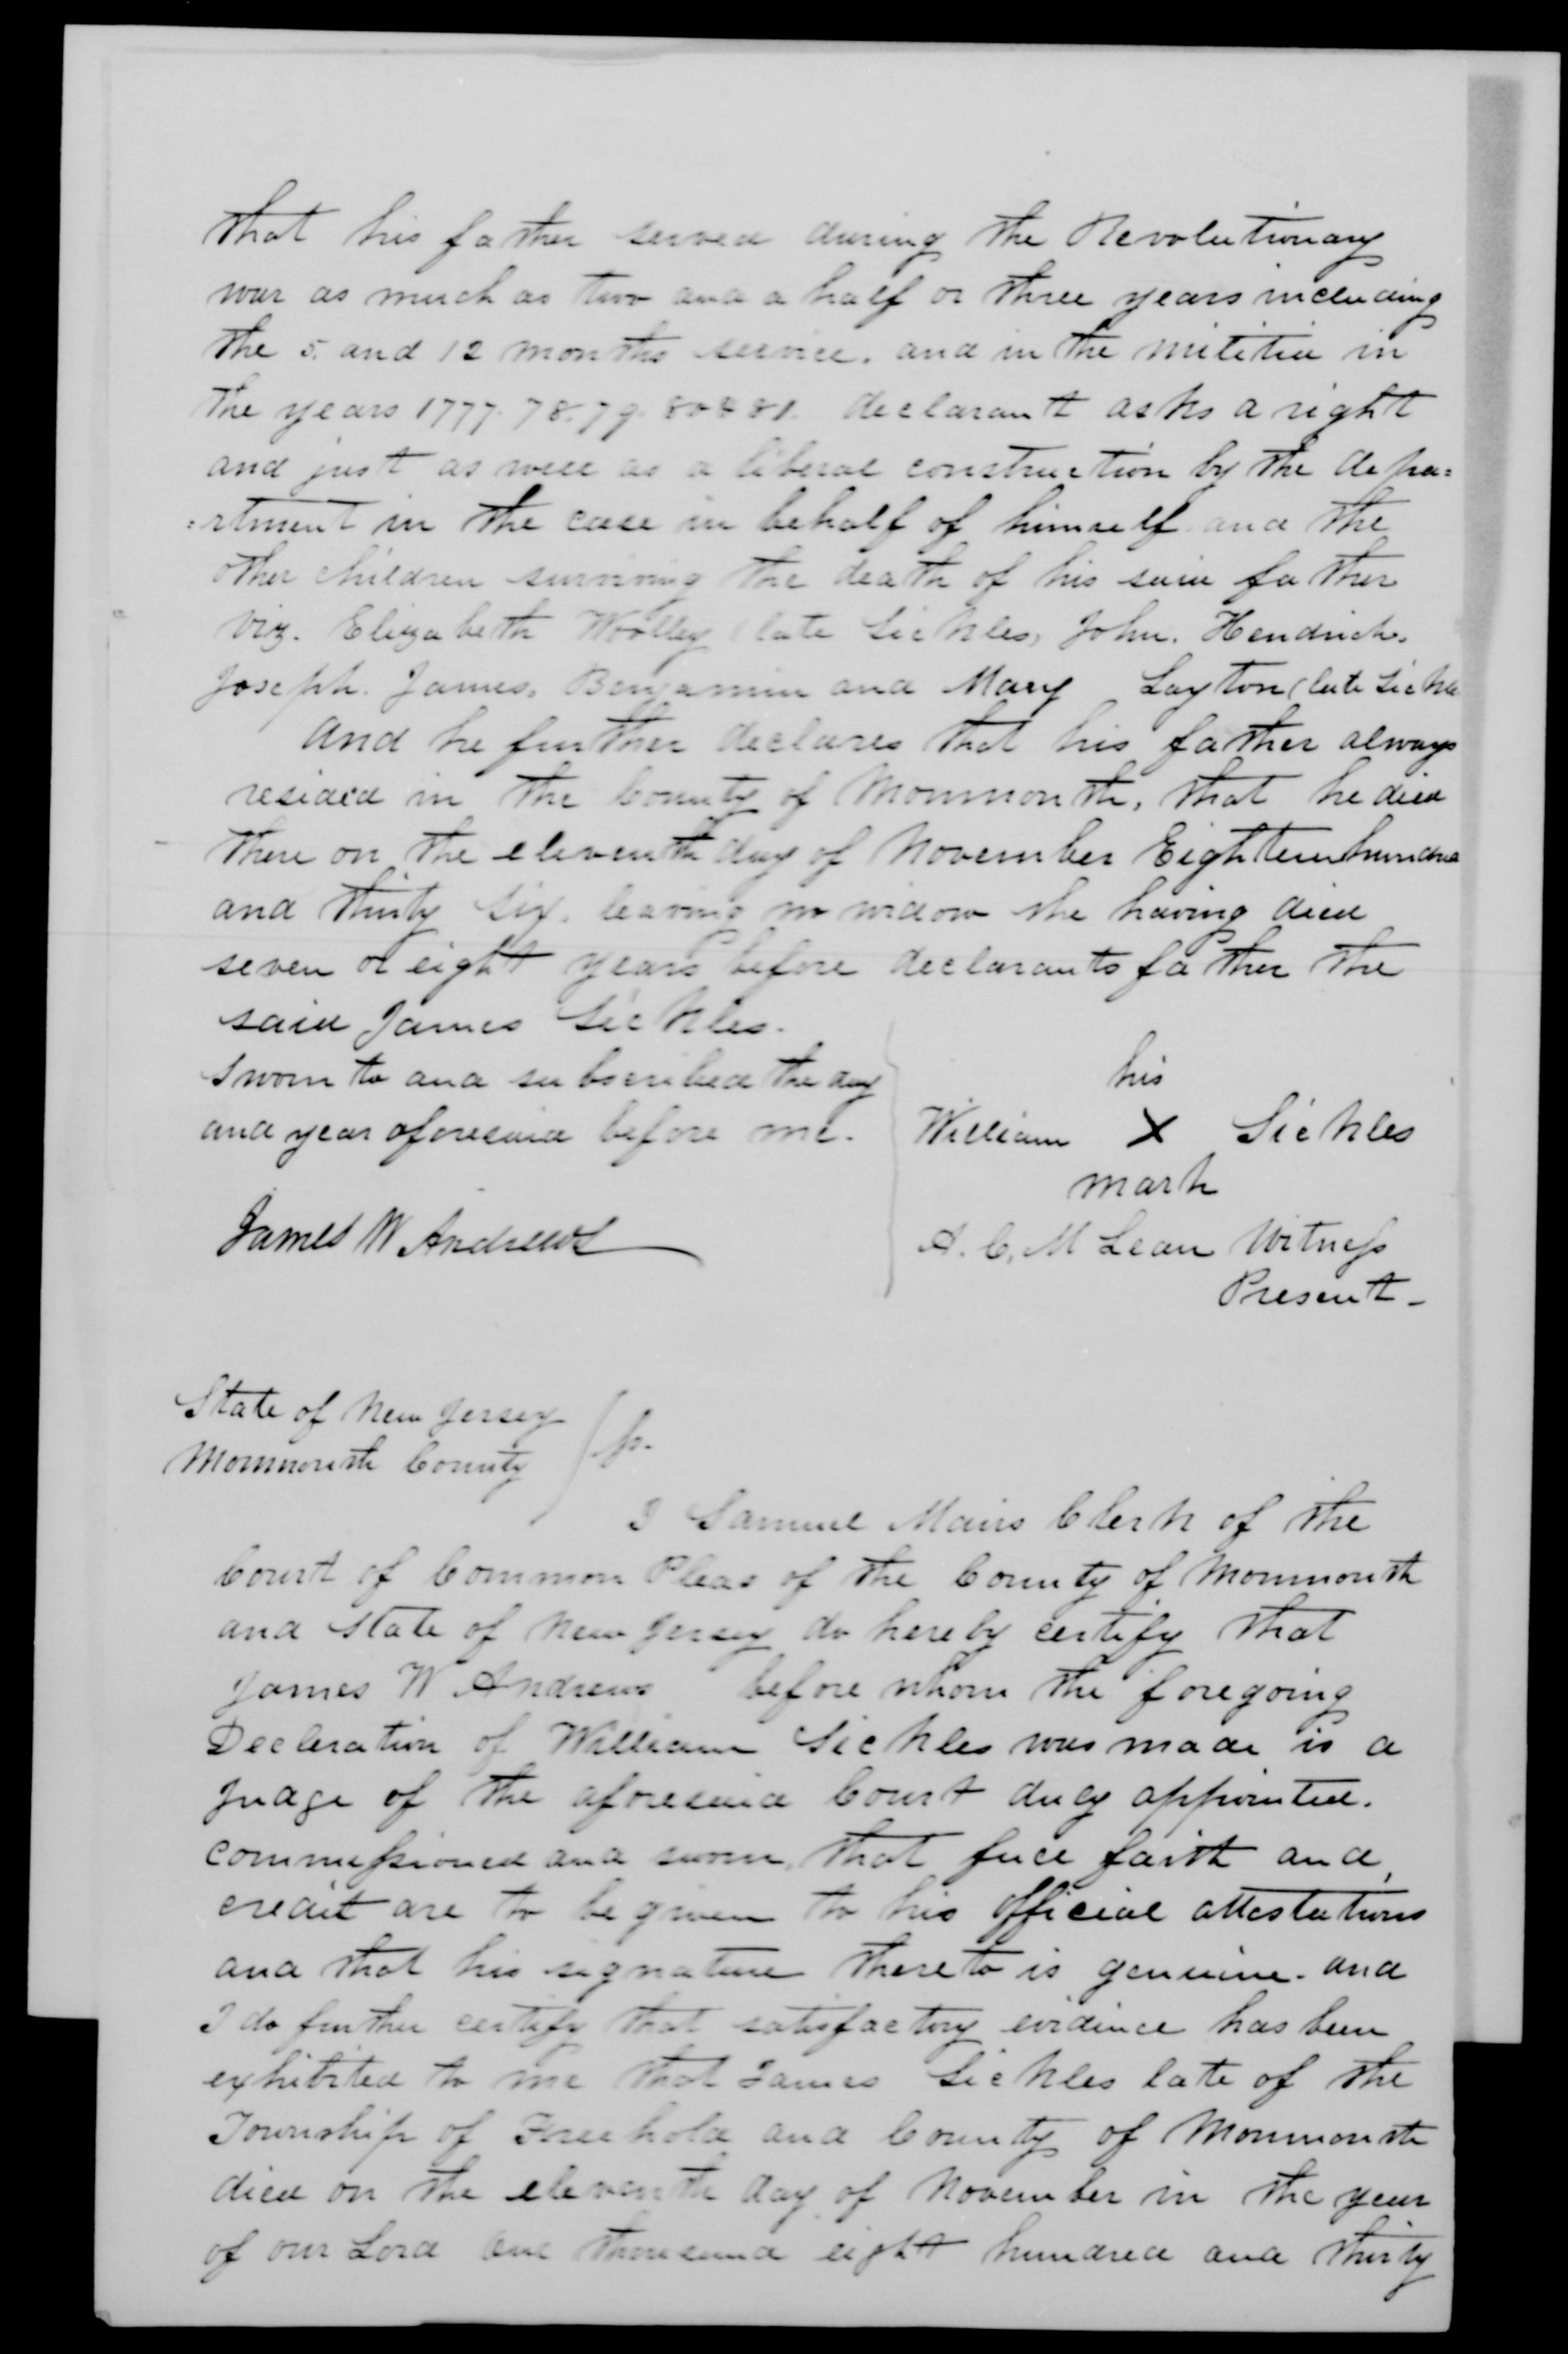that his father served during the Revolutionary war as much as two and a half or three years including the 5 and 12 months service, and in the militia in the years 1777 78 & 79 80 & 81. declarant asks a right and just as well as a liberal construction by the department in the case in behalf of himself and the other children surviving the death of his said father viz. Elizabeth Woolley (late Sickles), John, Hendrick, Joseph, James, Benjamin and Mary Layton (late Sickles)
And he further declares that his father always resided in the County of Monmouth, that he died there on the eleventh day of November Eighteen hundred and thirty Sic, leaving no widow she having died seven or eight years before declarants father the said James Sickles.
Sworn to and Subscribed the day} his
and year aforesaid before me.} William X Sickles
James W Andrews} mark
A. C. McLean Witness
Present
State of New Jersey}
Monmouth County} Ss.
I Samuel Mairs Clerk of the Court of Common Pleas of the County of Monmouth and State of New Jersey do hereby certify that James W Andrews before whom the foregoing Declaration of William Sickles was made is a Judge of the aforesaid Court duly appointed, commissioned and sworn, that full faith and credit are to be given to his official attestations and that his signature thereto is genuine. and I do further certify that satisfactory evidence has been exhibited to me that James Sickles late of the Township of Freehold and County of Monmouth died on the eleventh day of November in the year of our Lord One thousand eight hundred and thirty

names: Joseph Layton; John Layton; [BLANK] Sickle; James Sickles; Samuel Mairs; Elizabeth Woolley; A C Mc Lean; [BLANK] Sickles; William Sickles; Benjamin Layton; James W Andrews; James W Andrews; William Sickles; Hendrich Layton; James Layton; Mary Layton; James Sickles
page: 32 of 33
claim: survivor's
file: S. 4,841, for James Sickles, New Jersey